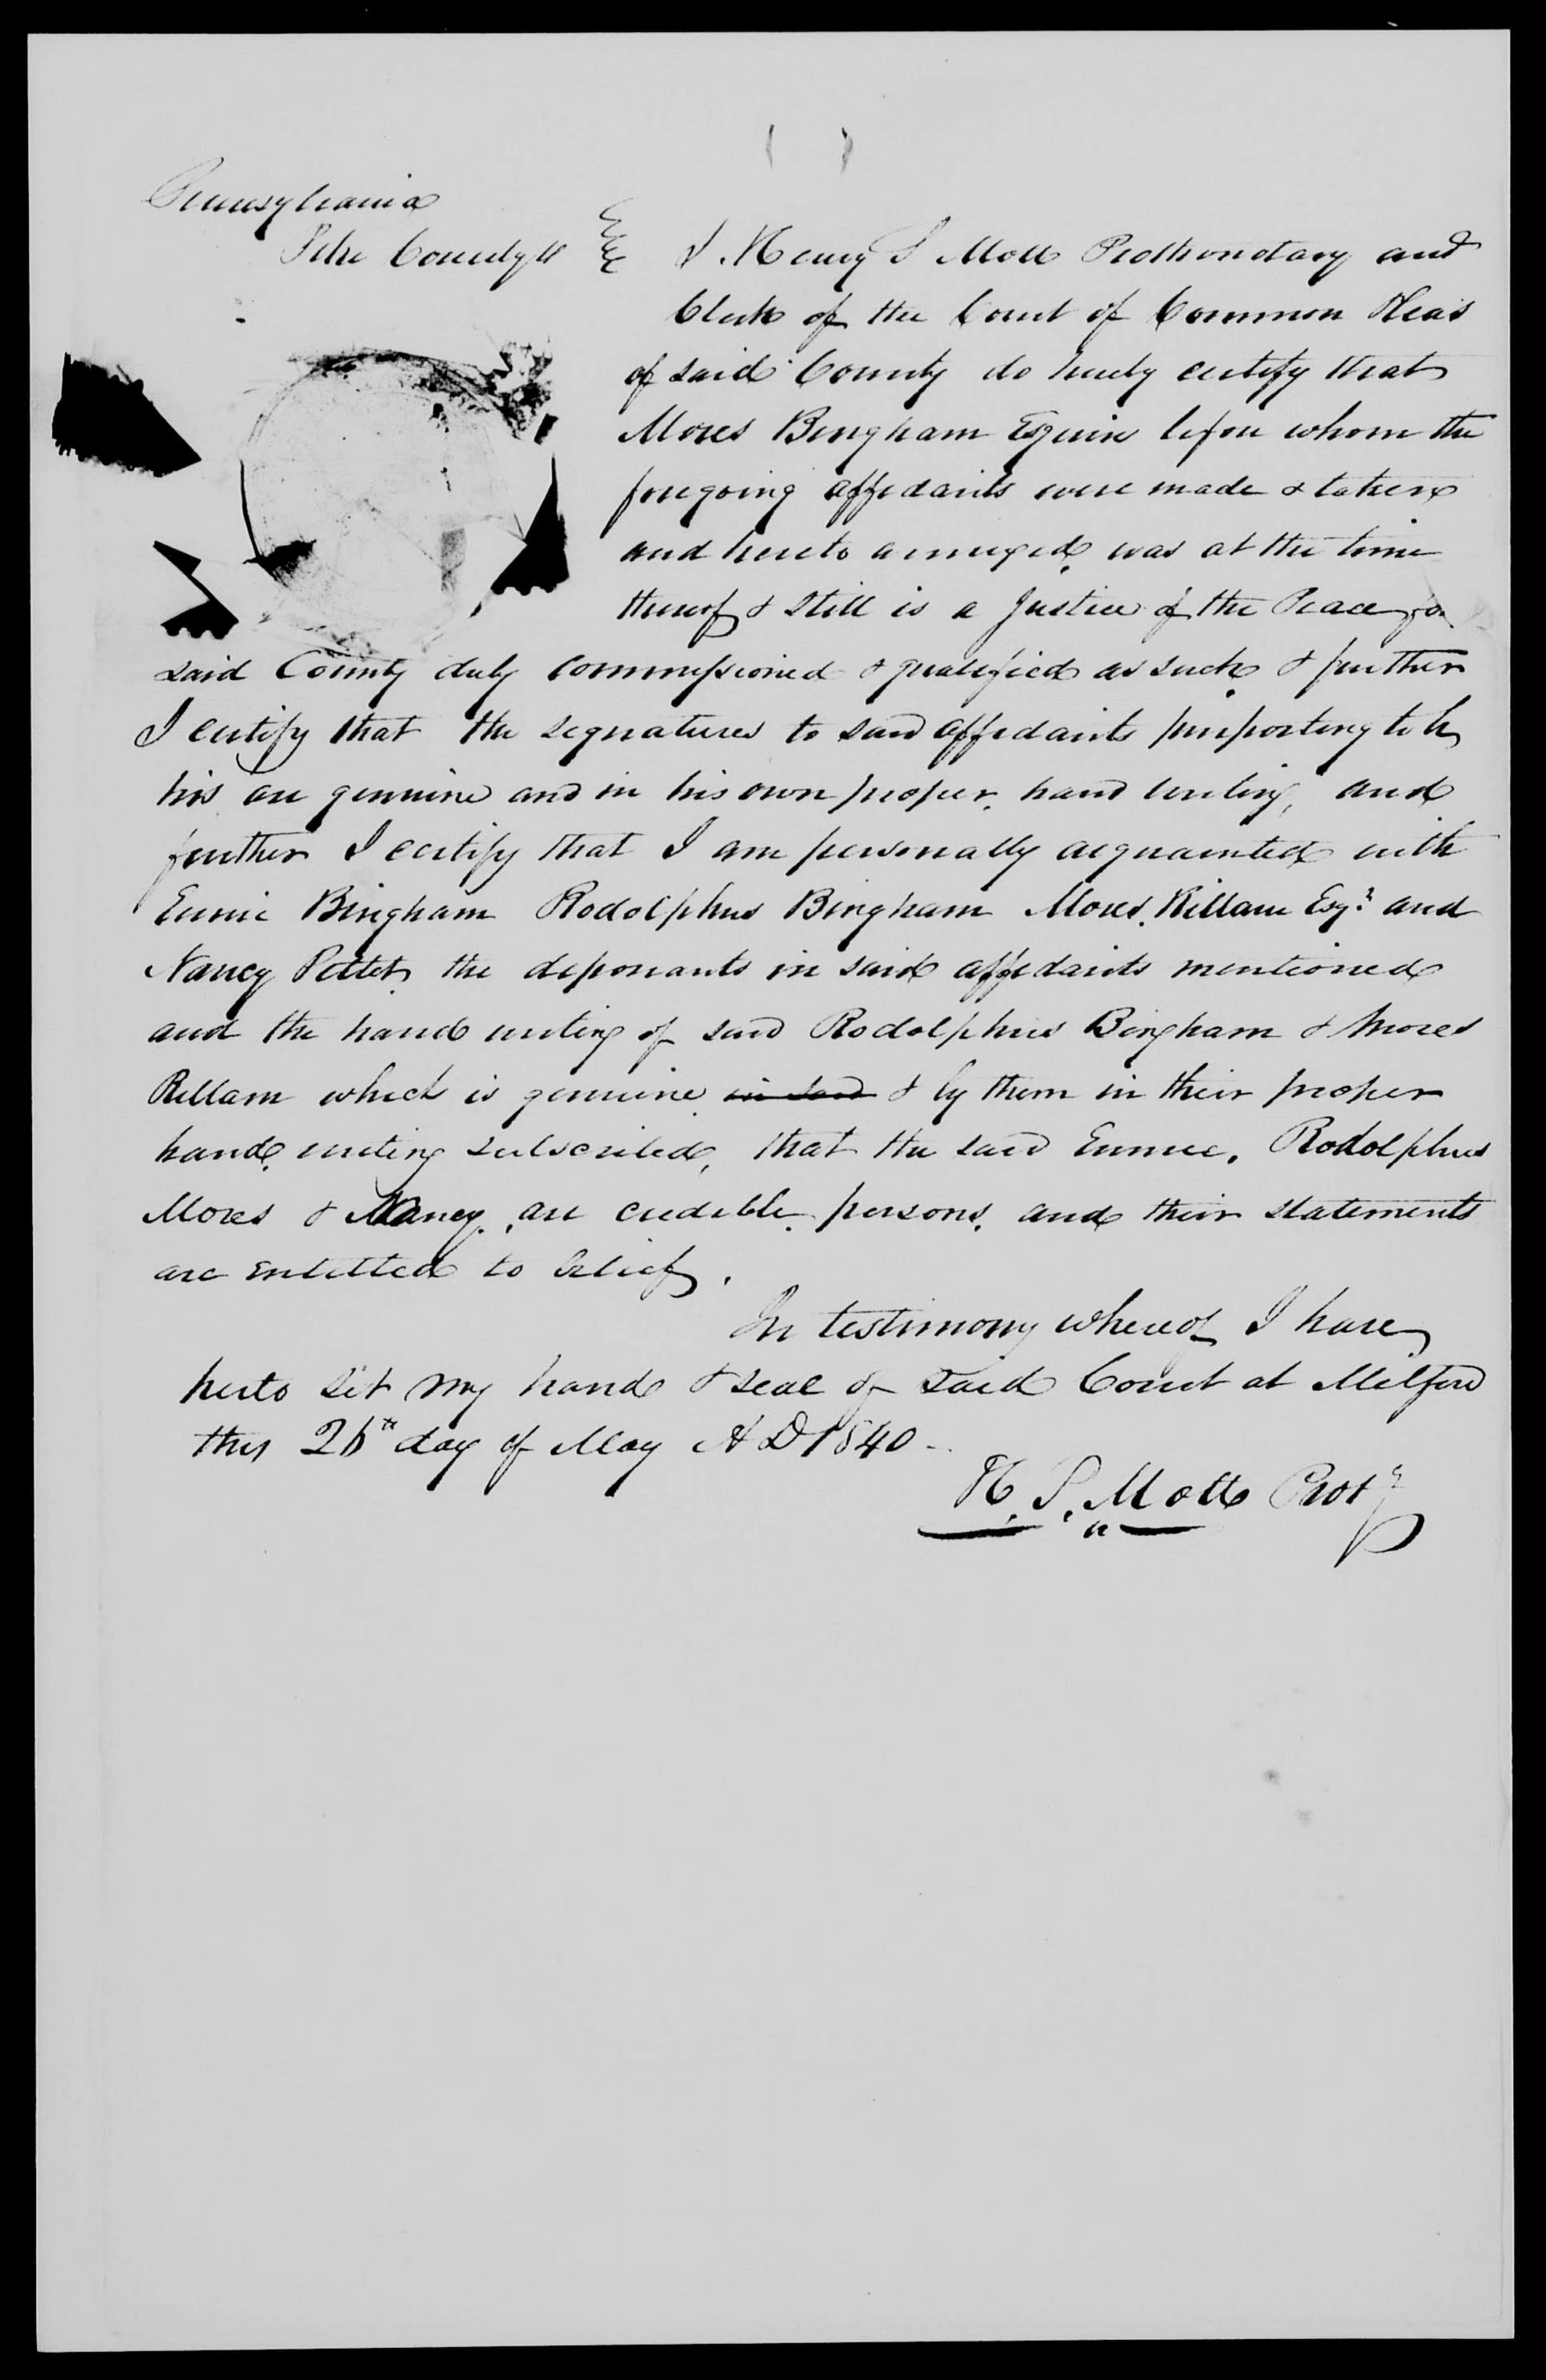Pennsylvania
Pike County

I Henry S Moll Prothonotary and
Clerk of the Court of Common Pleas
of said County do hereby certify that
Moses Bingham Esquire before whom the
foregoing affidavits were made & taken
and hereto annexed was at the time
thereof & still is a Justice of the Peace for
said County duly commissioned & qualified as such & further
I certify that the signatures to said affidavits purporting to be
his are genuine and in his own proper hand writing, and
further I certify that I am personally acquainted with
Ernie Bingham Rodolphus Bingham Moses Killam Esq and
Nancy Pettit the deponants in said affidavits mentioned
and the hand writing of said Rodolphis Bingham & Moses
Killam which is genuine & by them in their proper
hand writing subscribed that the said Ernie, Rodolphus
Moses & Nancy are credible persons and their statements
are entitled to belief.

In testimony whereof I have
hereto set my hand & seal of said Court at Milford
this 26th day of May A D 1840
H. P. Motts Proth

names: Rodolphus Bingham, Henry S Mott, Moses Killam, Eunic Bingham, H S Mott, Rodolphus, Eunice, Moses Bingham, Moses Killam, Moses, Nancy Pettet, Rodolphus Bingham, Moses, Nancy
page: 25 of 79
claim: widow's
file: W. 2,906, Stephen Bennet, Conn.